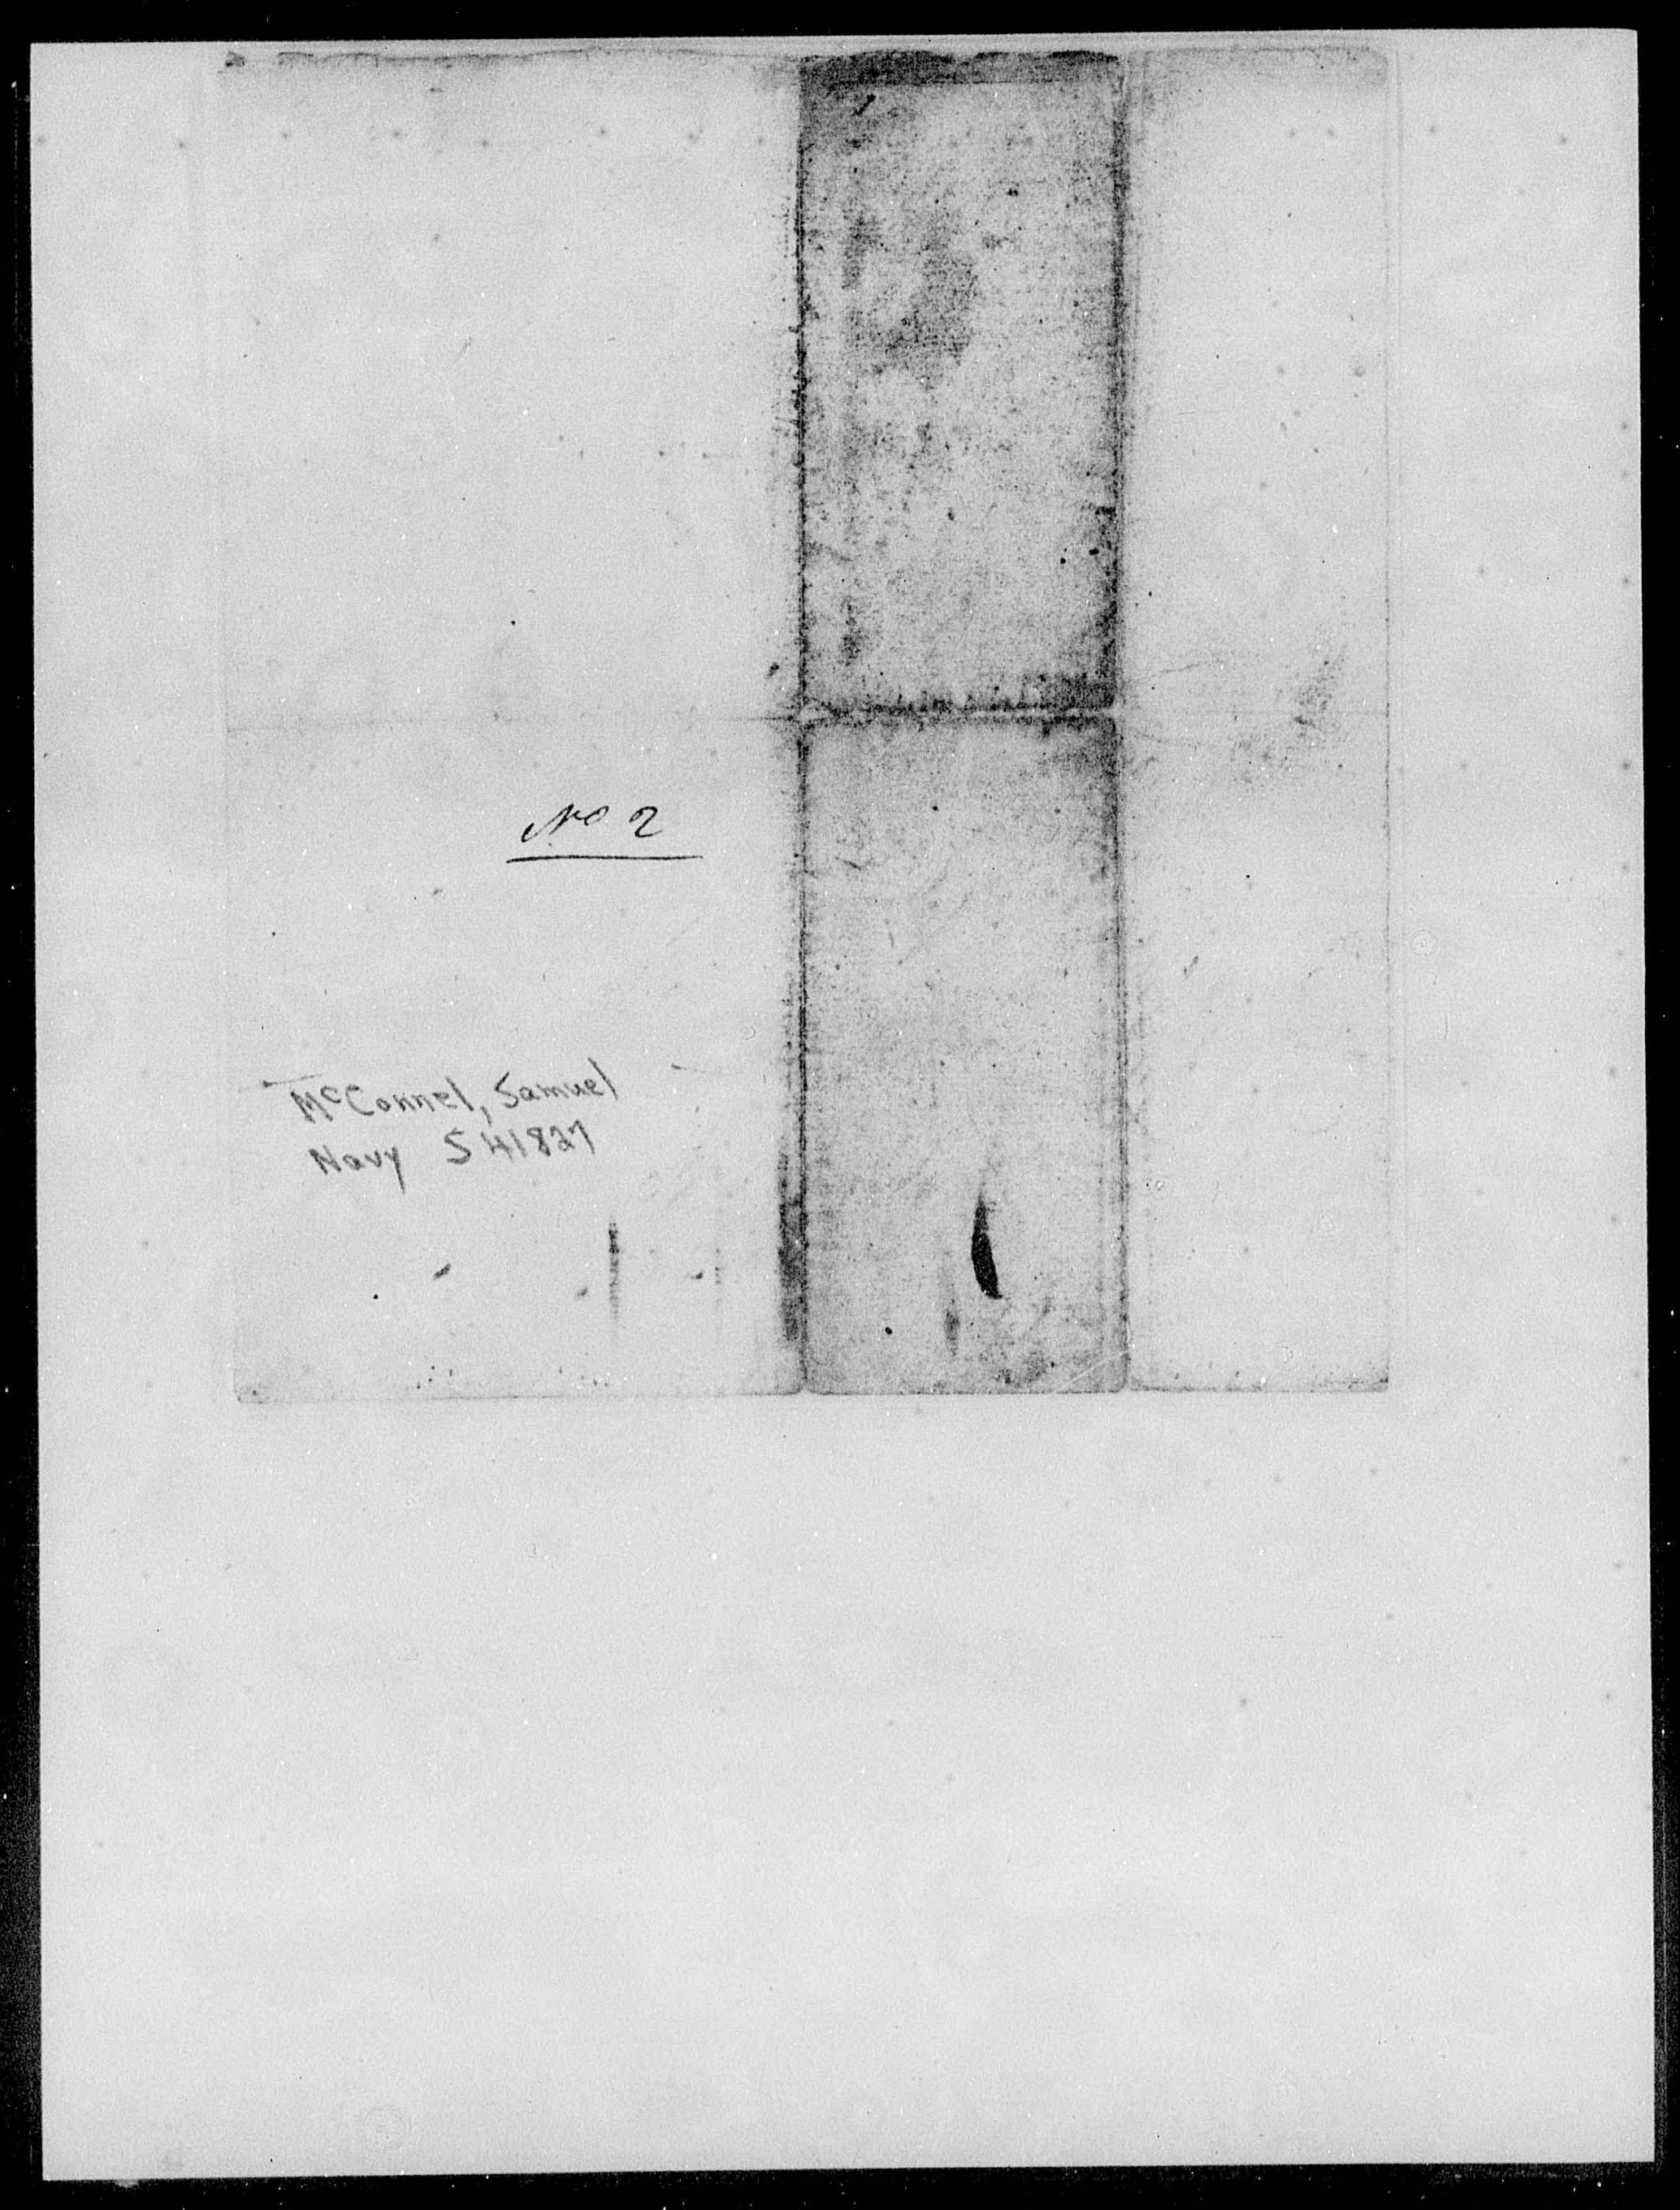No 2
McConnel, Samuel
Navy S41827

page: 9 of 18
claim: survivor's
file: S. 41,827, for Samuel Mc Connel, Vermont